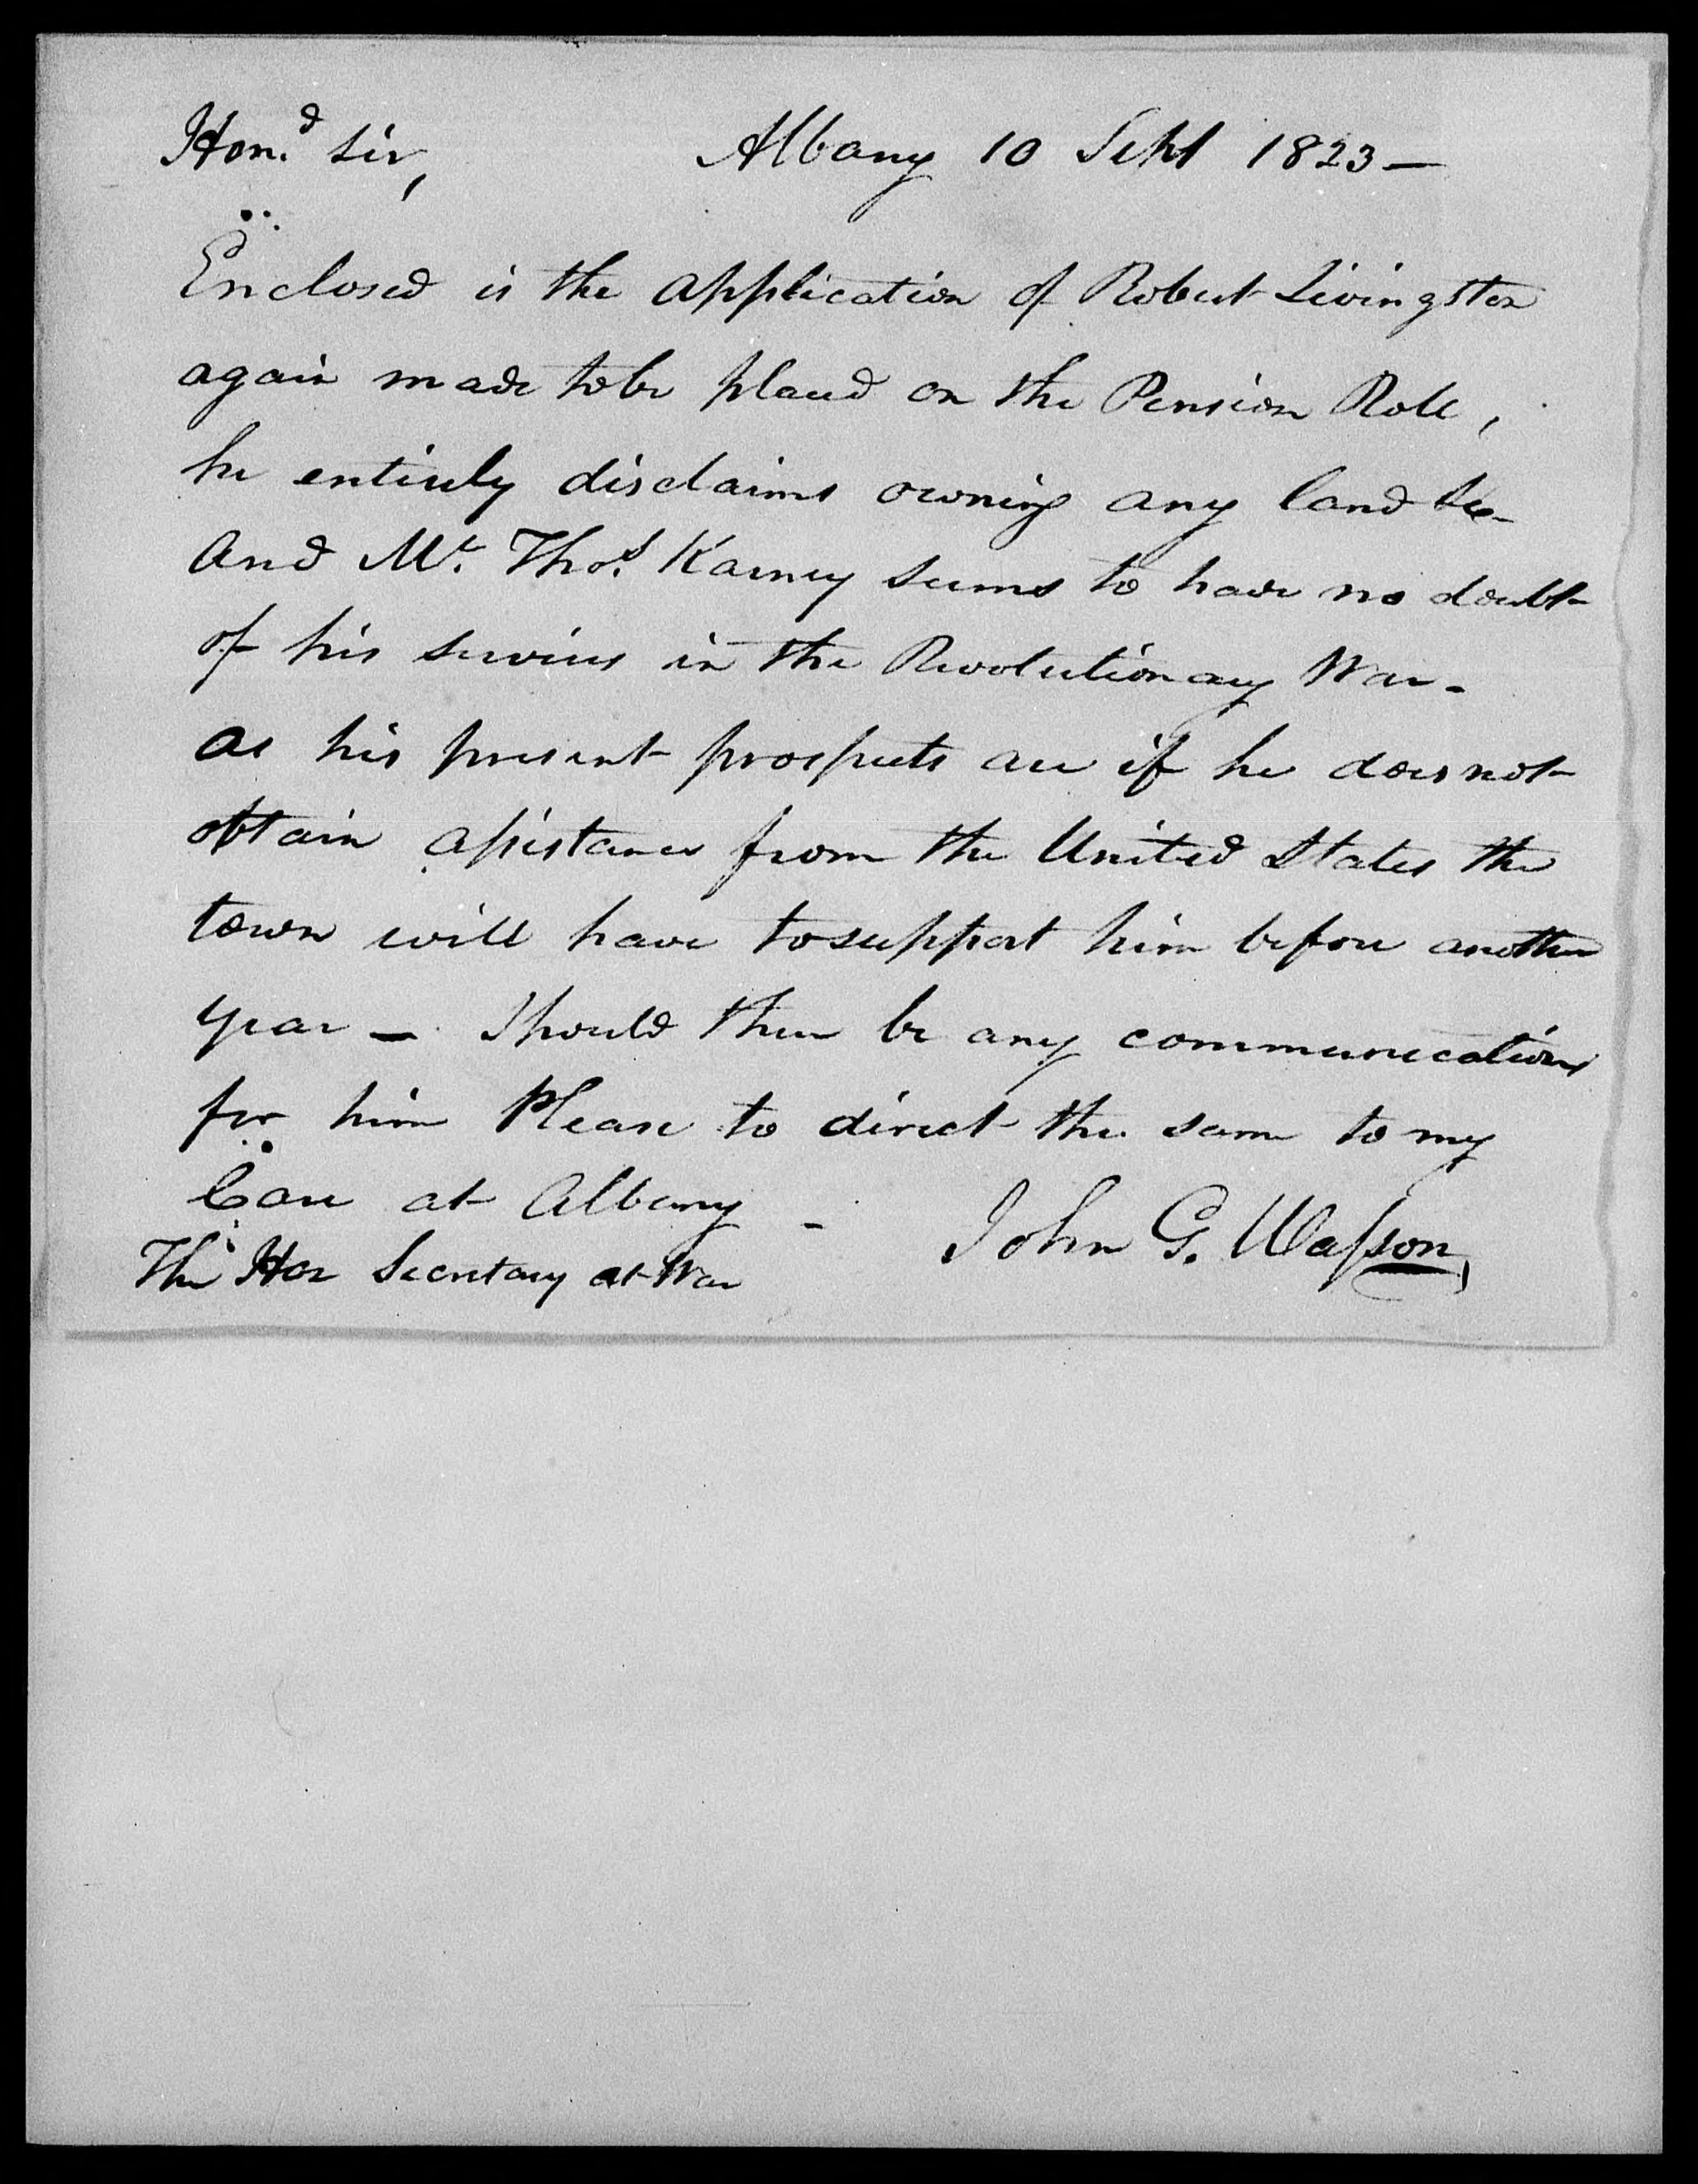Albany 10 Sept 1823

Hon Sir,

Enclosed is the application of Robert Livingston again made to be placed on the pension roll - he entirely disclaims owning any land and Mr. Thos Karney seems to have no doubt of his services in the Revolutionary war. As his present prospects are if he does not obtain assistance from the United States the town will have to support him before another year - Should there be any communications for him please to direct the same to my [illegible] at Albany - 

John C Wasson

The Hon Secretray of War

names: John G Wasson; Robert Livingston; Thos Karney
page: 12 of 23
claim: survivor's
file: S 42874, for Robert Livingston, Maryland